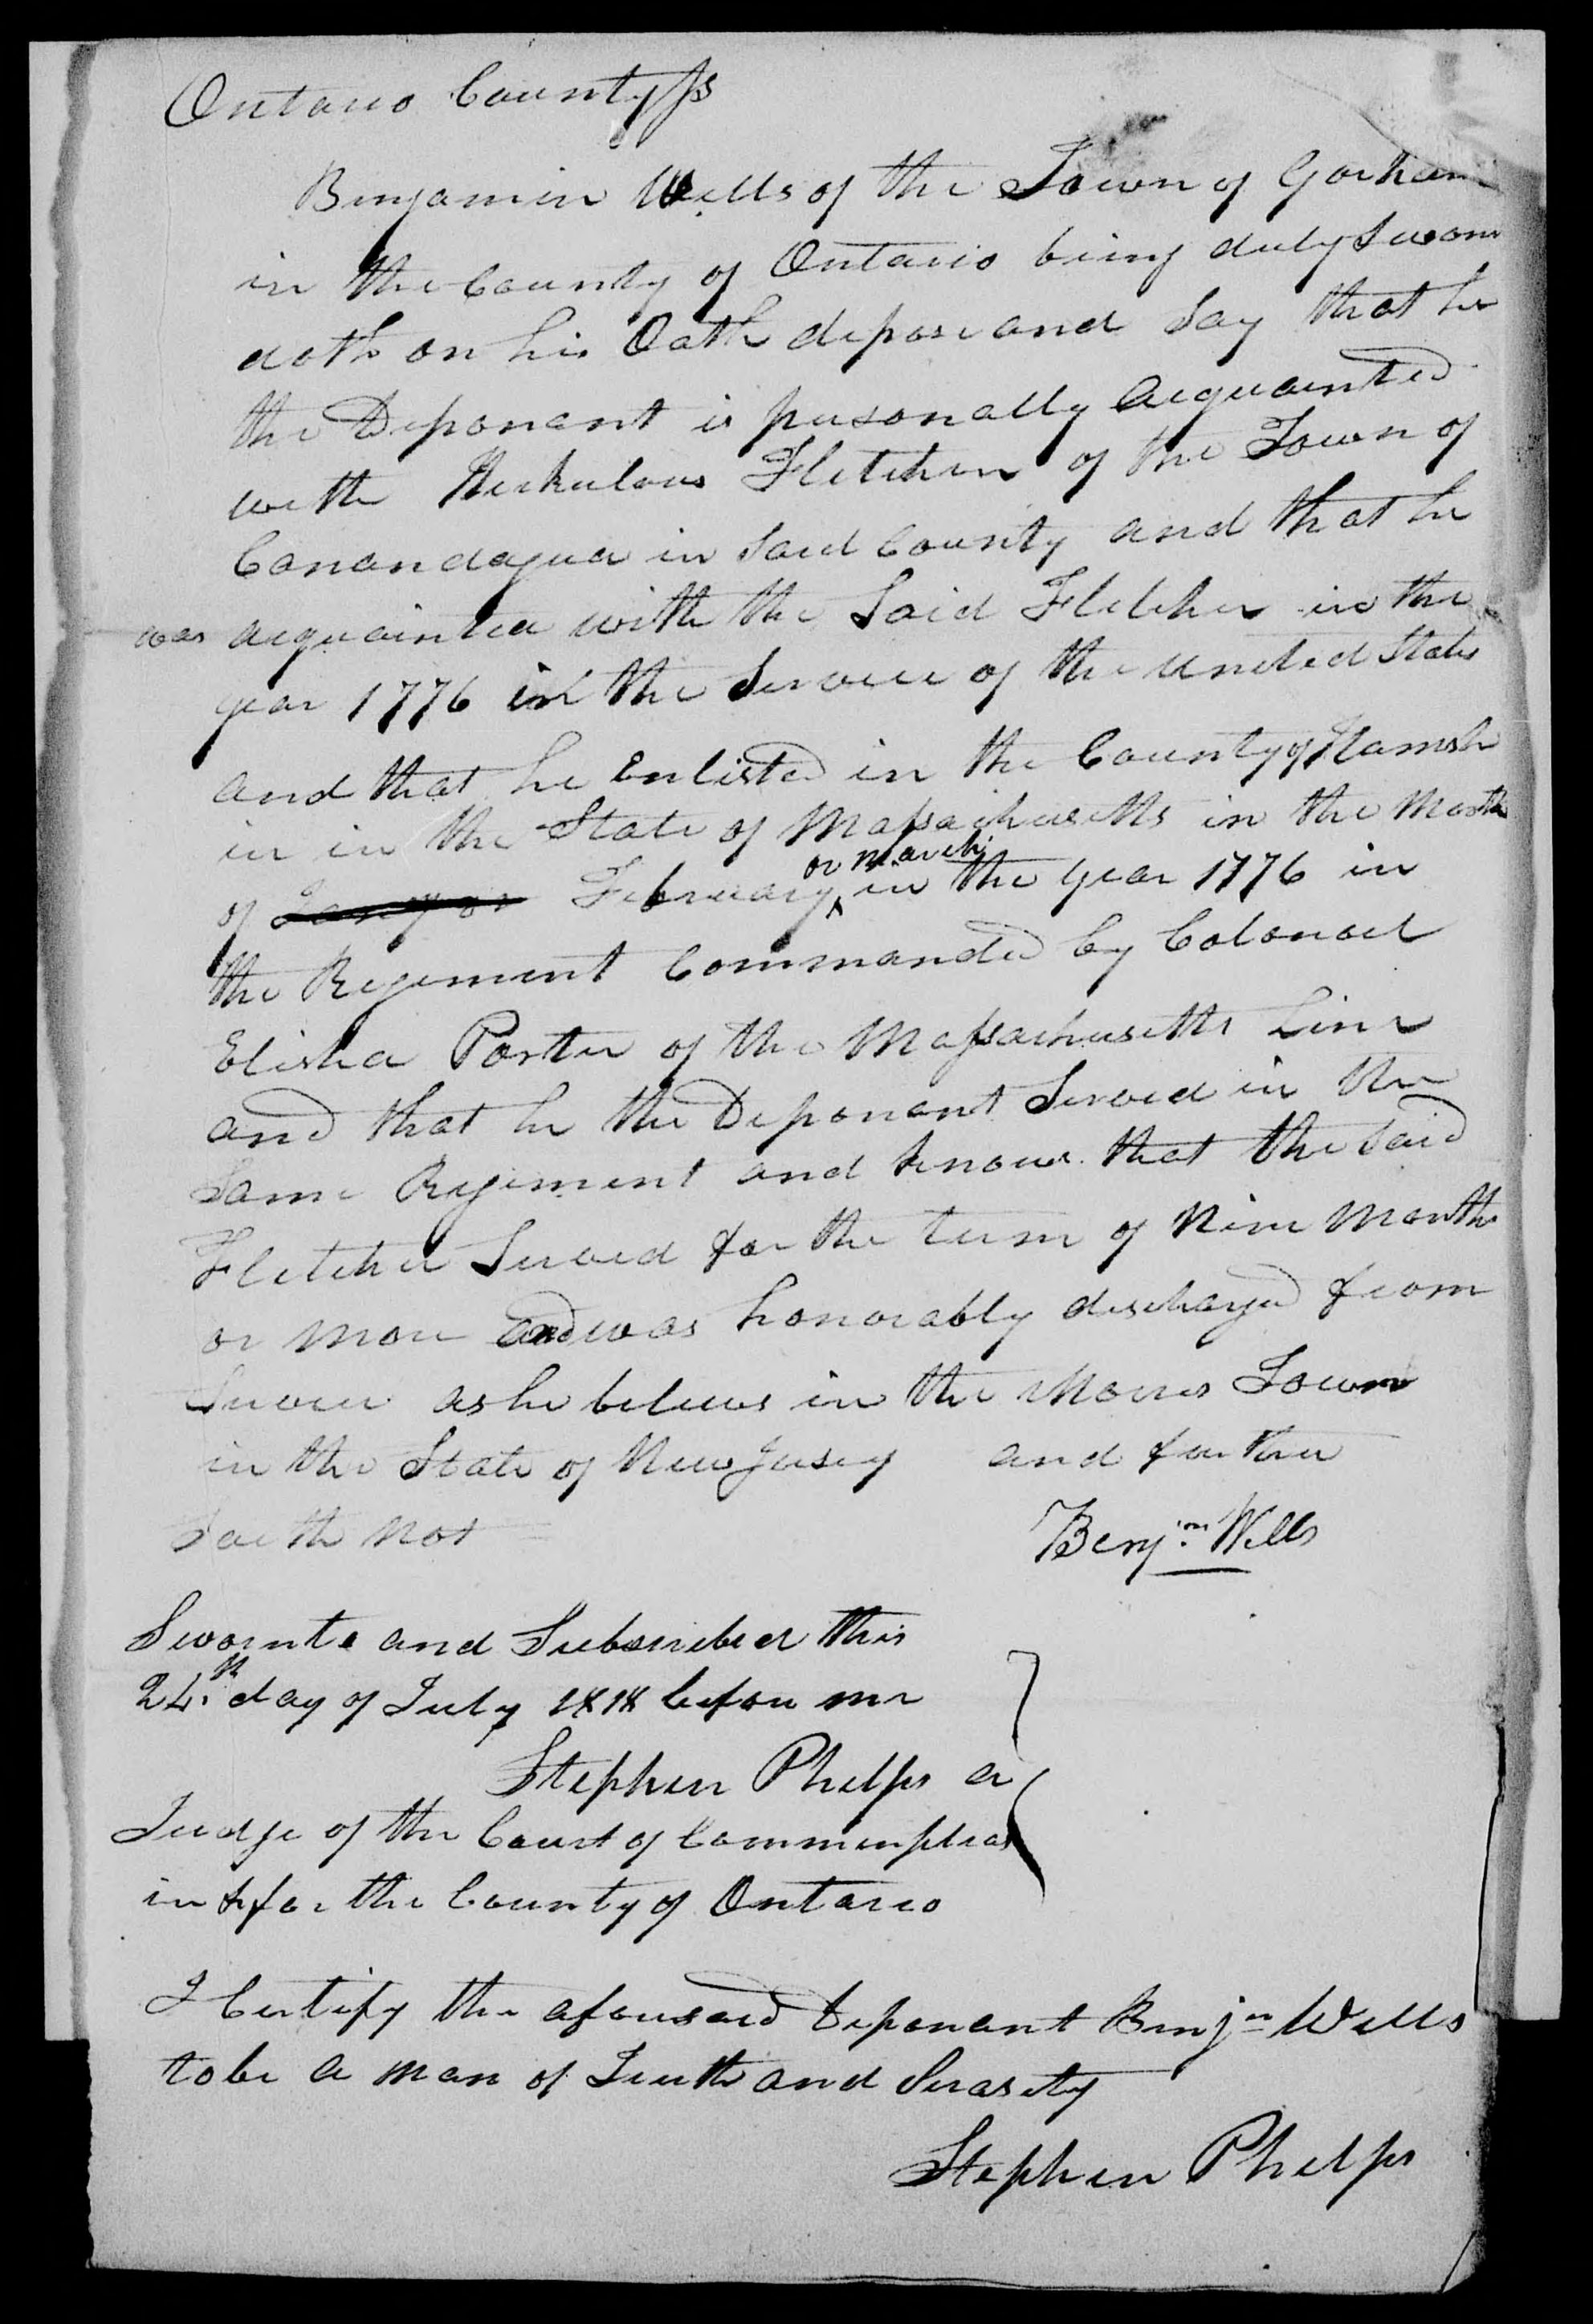Ontario County [illegible]

Benjamin Wells of the Town of Gorham in the county of Ontario being duly sworn doth on his oath depose and say that he the Deponant is personally acquainted with Archelaus Flether of the Town of Canandagua in said county and that he was acquainted with the said Fletcher in the year 1776 in the [illegible] of the understated and that he enlisted in the county of Hamshir in the state of Massachusetts in the month of [illegible crossed out] February or March in teh year 1776 in the regiment commanded by Colonel Elisha Porter of the Massachusetts Line and that he the deponent served in the same regiment and knows that the said Fletcher served for the term of nine months or more and was honorably discharged from service as he believes in the [illegible] Town of New Jersey and for the saith not

Benj. Wells

Sworn to and subscribed on this 24th day of July 1818 before me
Stephen Phelps a judge of the Court of Common Pleas in & for the county of Ontario

I certify the aforesaid deponent Benjn Wells to be a man of truth and veracity
Stephen Phelps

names: Benjamin Wells, Benjn Wells, Elisha Porter, Nickalous Fletcher, Fletcher, Stephen Phelps, Benjn Wells, Stephen Phelps, Fletcher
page: 16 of 18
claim: survivor's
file: S. 44822, Archelaus Fletcher, Mass.